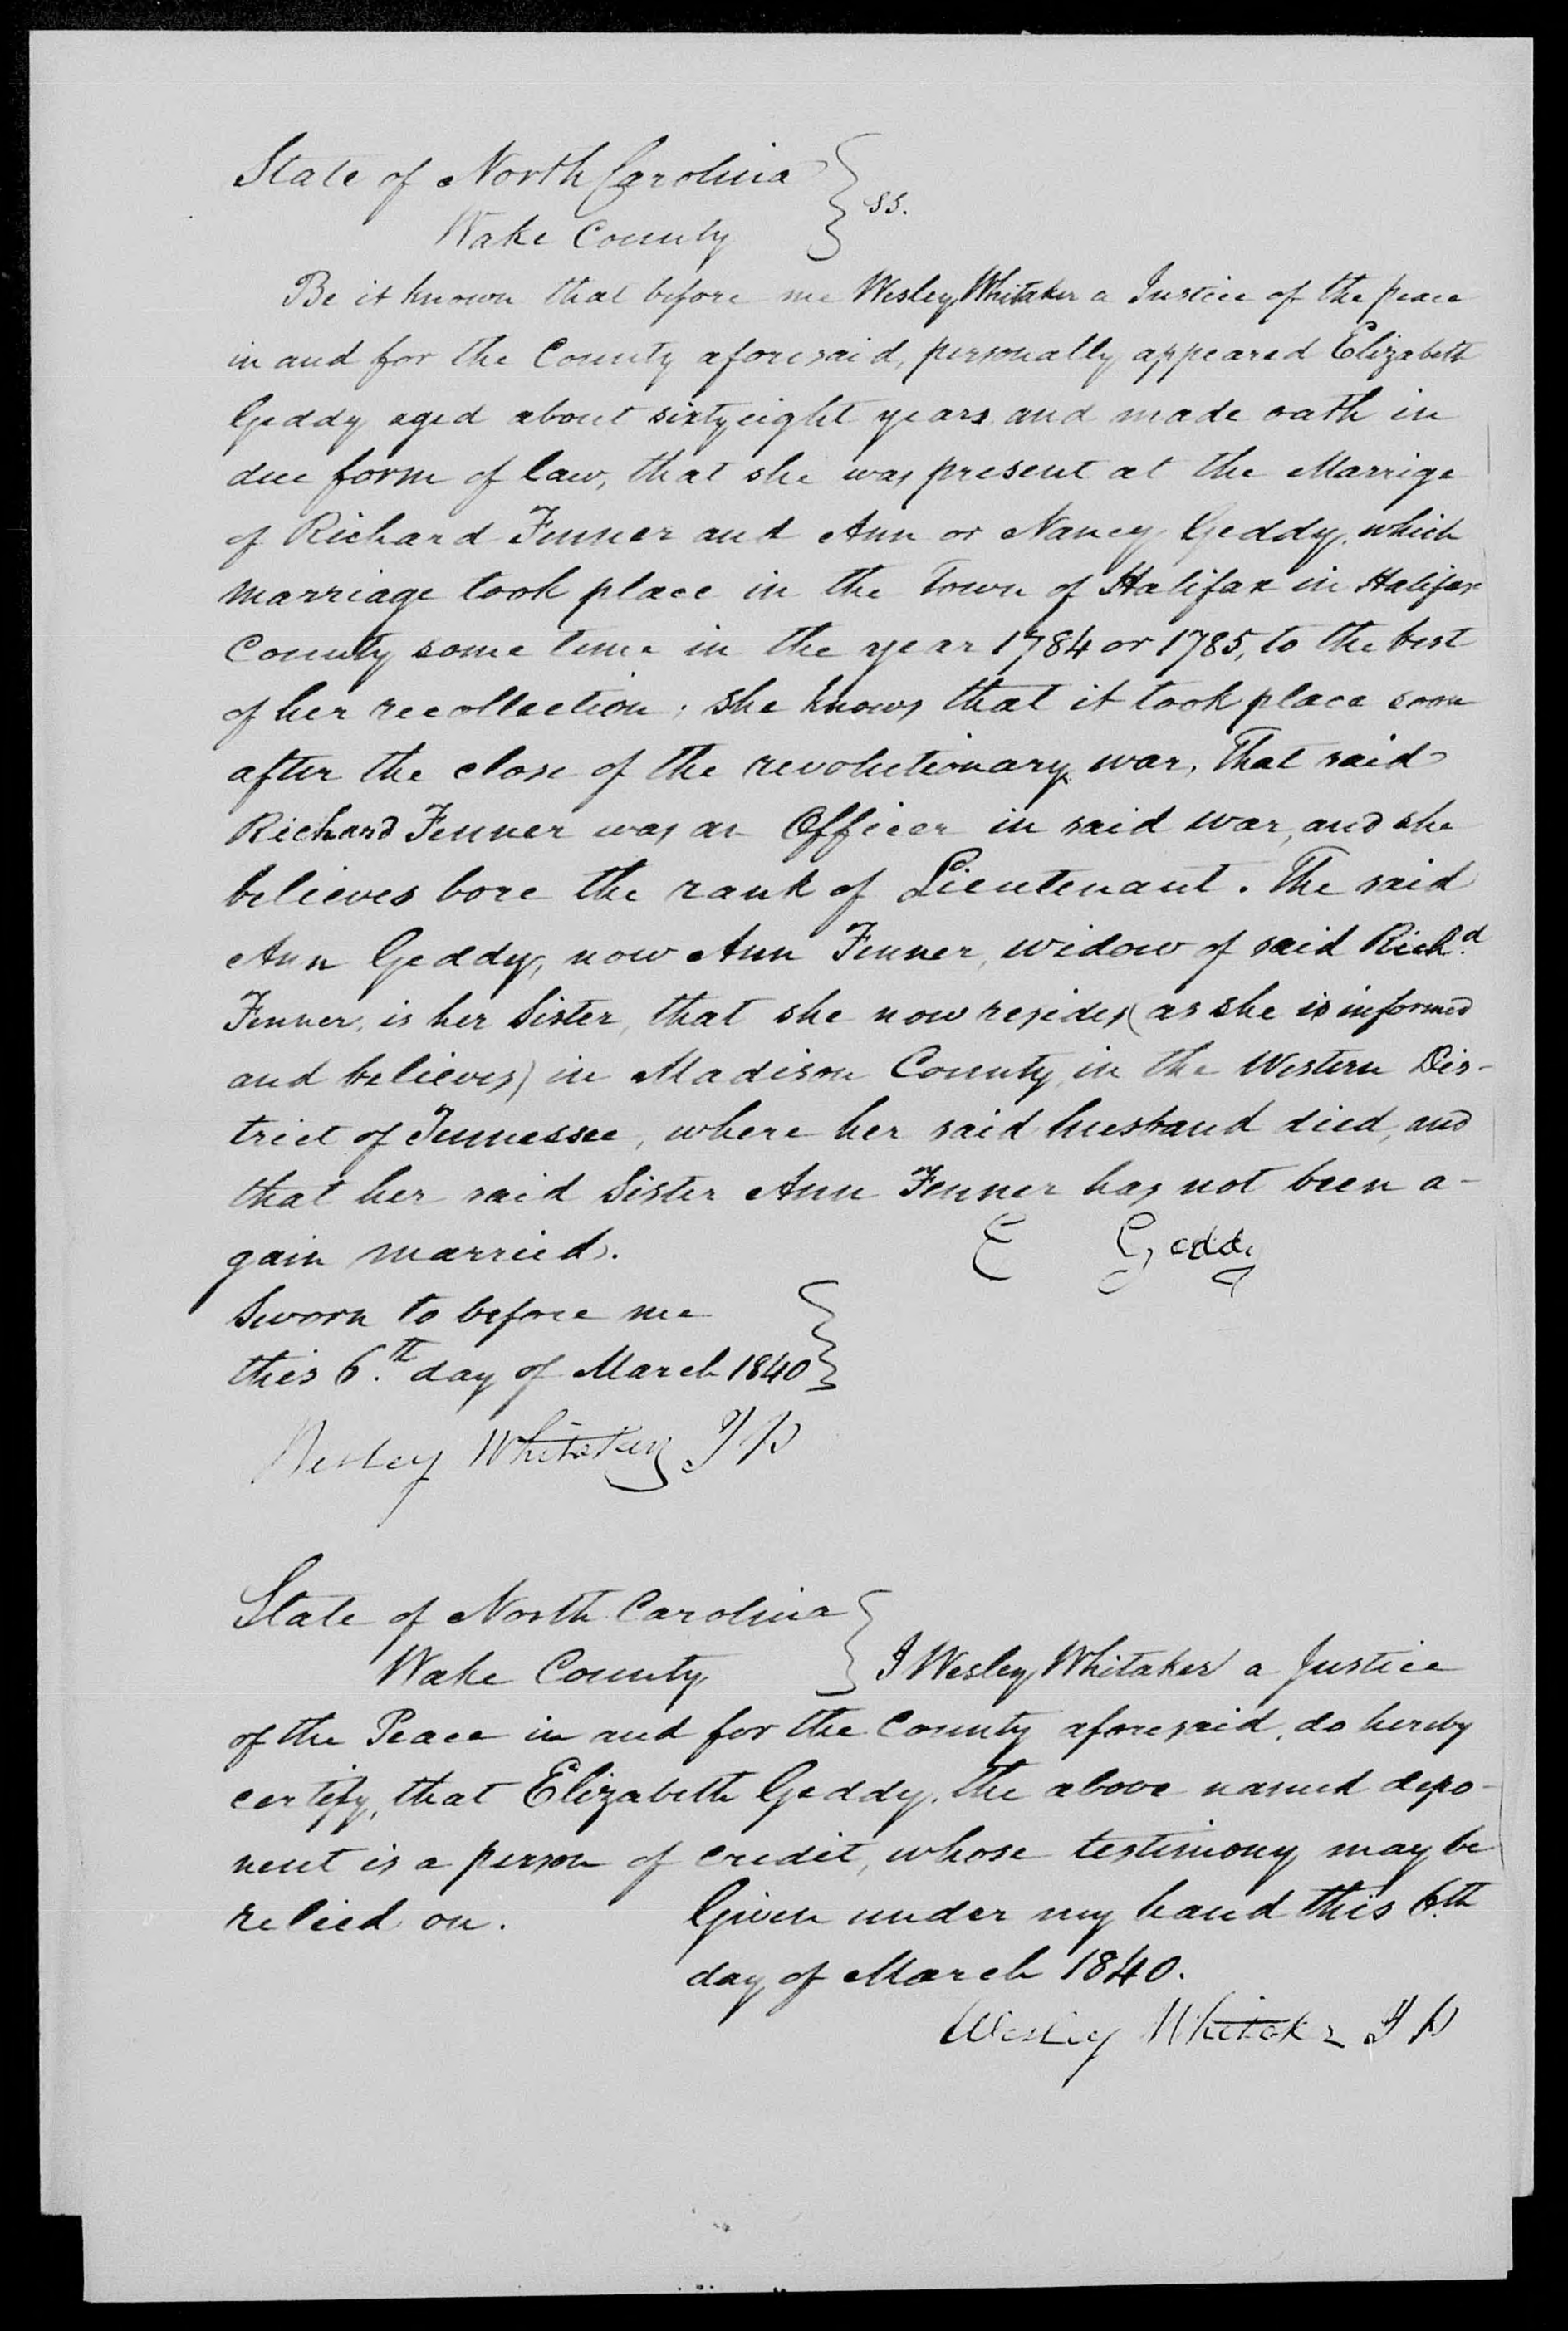State of North Carolina
Wake County
SS.

Be it known that before me Wesley Whitaker a justice of the peace in and for the county aforesaid personally appeared Elizabeth Geddy aged about sixty eight years and made oath in due form of law, that she was present at the Marriage of Richard Fenner and Ann or Nancy Geddy which marriage took place in the town of Halifax in Halifax county some time in the year 1784 or 1785, to the best of her recollection, she knows that it took place soon after the close of the revolutionary war, that said Richard Fenner was an officer in said ware and she believes bore the rank of Lieutenant. The said Ann Geddy, now Ann Fenner widow of said Richd. Fenner, is her sister, that she now resided (as she is informed and believes) in Madison County in the Western District of Tennessee where her said husband died and that her said sister Ann Fenner has not been again married.

/E Geddy/

Sworn to before me this 6th day of March 1840
/Wesley Whitaker JP/

State of North Carolina
Wake County

I Wesley Whitaker a justice of the peace in and for the county aforesaid do hereby certify that Elizabeth Geddy the above named deponent is a person of credit whose testimony may be relied on. Given under my hand this 6th day of March 1840.
/Wesley Whitaker JP/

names: Nancy Geddy, E Geddy, Ann Geddy, Wesley Whitaker, Wesley Whitaker, Wesley Whitaker, Ann Geddy, Wesley Whitaker, Richd Fenner, Ann Fenner, Richard Fenner, Richard Fenner, Ann Fenner, Elizabeth Geddy, Elizabeth Geddy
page: 5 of 39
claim: widow's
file: W. 789, Richard Fenner, N.C.